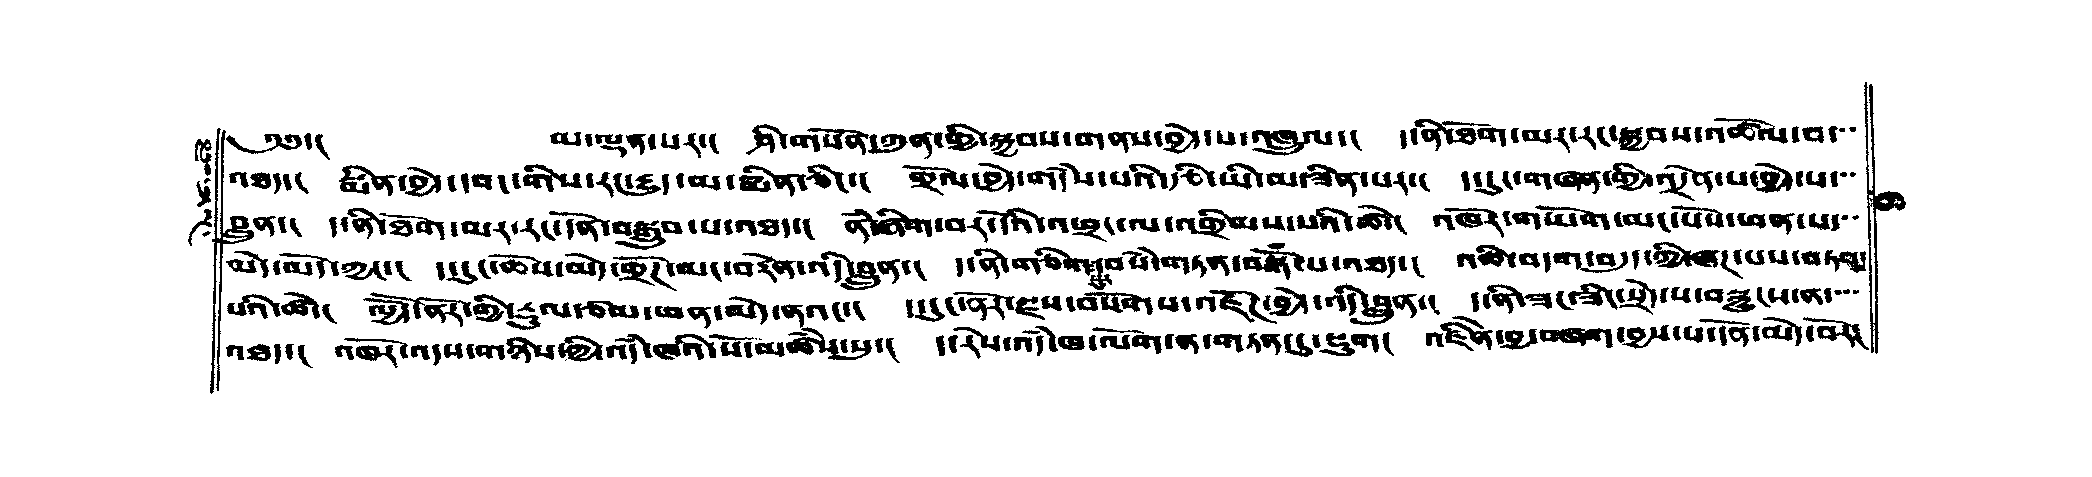མ་ལྡན་པར། །ཤི་གསོན་ཀུན་གྱི་སྐྱབས་གནས་བྱེད་པ་འཁྲུལ། །ད་ནི་ཐོག་མར་རང་སྐྱབས་འཚོལ་བ་
འཐད། །སྨིན་བྱེད་དབང་གིས་རང་རྒྱུད་མ་སྨིན་ཞིང་། །གྲོལ་བྱེད་གདམས་པའི་རྩིས་ཀྱིས་མ་ཟིན་པར། །ད་དུང་གཞན་གྱི་འདྲེན་པ་བྱེད་པ་
བླུན། །ད་ནི་ཐོག་མར་རང་དོན་བསྒྲུབ་པ་འཐད། །ནམ་ཞིག་བར་དོའི་འཕྲང་ལ་འགྲིམས་པའི་ཚེ། །འཁོར་གཡོག་མང་པོས་ཕན་པ་
མེད་མོད་ཀྱང་། །ད་དུང་ཆོས་མེད་གྲོགས་མང་བརྟེན་འདི་བླུན། །1$10002201$1000180ད་ནི་གཅིག་པུར་བསམ་གཏན་
བསྒོམ་པ་འཐད། །འཆི་བདག་བདུད་ཀྱི་ཞགས་པས་བཏབ་པའི་ཚེ། །ལོངས་སྤྱོད་ནོར་གྱི་རྡུལ་ཙམ་ཕན་མེད་ནའང་། །ད་དུང་ནོར་རྫས་བསོག་འཇོག་བྱེད་འདི་བླུན། །ད་ནི་ཟང་ཟིང་སྲེད་པ་བསྐྱུངས་ན་
འཐད། །འཁོར་འདས་གཉིས་ཀྱི་འདམ་ཁའི་ས་མཚམས་སུ། །ད་རེས་འདམ་ཁ་ལོག་ན་ཤིན་ཏུ་སྡུག །འཇིག་རྟེན་བྱ་བཞག་བྱས་པ་དོན་མེད་བོར།